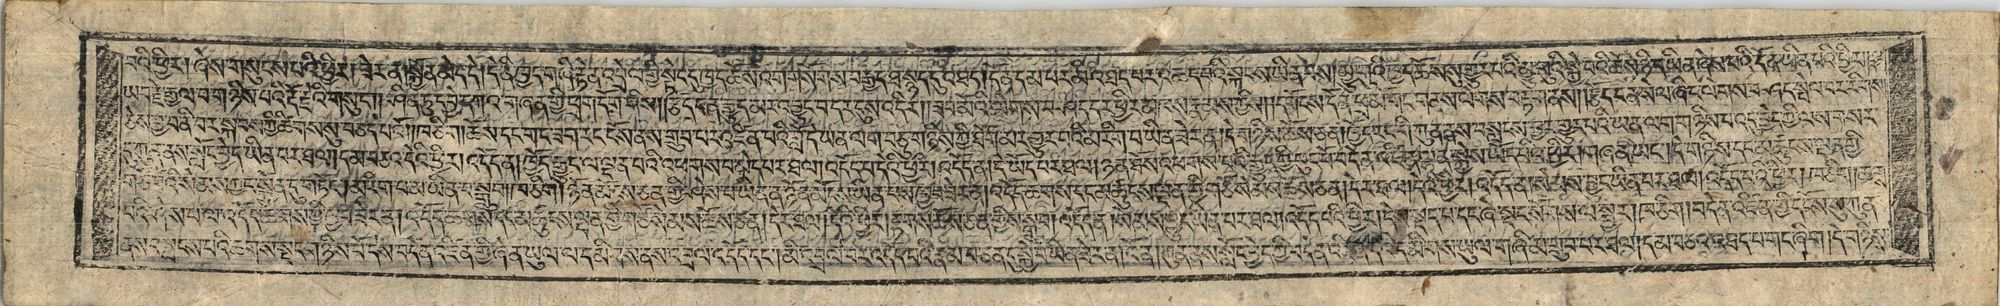བའི་ཕྱིར། ཞེས་གསུངས་པའི་ཕྱིར། ཟེར་ན། སྐྱོན་མེད་དེ། དེ་ནི་ཁྱད་གཞི་རྟེན་འབྲེལ་གྱི་སྟེང་དུ་ཁྱད་ཆོས་འགག་སོགས་བརྒྱད་ཐ་སྙད་དུ་འཐད། དོན་དམ་པར་མི་འཐད་པར་འཆད་པའི་སྐབས་ཡིན་པས། མྱུ་གུའི་ཁྱད་ཆོས་སུ་གྱུར་བའི་མྱུ་གུའི་སྐྱེ་བའི་ཆོས་ཉིད་ཡིན་ཞེས་པའི་དོན་ཡིན་པའི་ཕྱིར།། ༈
ཡབ་རྗེ་རྒྱལ་བ་གཉིས་པའི་རྡོ་རྗེའི་གསུང་། །ཤིན་ཏུ་དབྱེ་དཀའ་གཞན་གྱི་ཕྲག་དོག་གིས། །རྩོད་ངན་རྒྱུད་མར་འབྱུང་བ་དར་དུས་འདིར། །ཟབ་མོའི་ལེགས་བཤད་དར་ཕྱིར་མཁས་རྣམས་ཀྱིས། །དགོངས་དོན་ཕྲ་མོ་གང་གནས་ལེགས་བརྟག་ནས། །རྩོད་ངན་སེལ་ཞིང་ལེགས་བཤད་སྤེལ་བར་རིགས་
ཅེས་བྱ་བ་ནི་བར་སྐབས་ཀྱི་ཚིགས་སུ་བཅད་པའོ། །ཁ་ཅིག །ཆོས་དང་གང་ཟག་རང་ངོས་ནས་གྲུབ་བར་འཛིན་པའི་བློ་དེ་ཡན་ལག་བཅུ་གཉིས་ཀྱི་ཐོག་མར་གྱུར་པའི་མ་རིག་པ་ཡིན་ཟེར་ན། དེ་གཉིས་ཆོས་ཅན། ཁྱོད་རང་གི་ཀུན་ནས་བསླངས་བྱར་གྱུར་པའི་ཡན་ལག་གཉིས་པ་འདུ་བྱེད་ཀྱི་ལས་གསར་
དུ་ཀུན་ནས་སློང་བྱེད་ཡིན་པར་ཐལ། དམ་བཅའ་དེའི་ཕྱིར། འདོད་ན། ཁྱོད་རྒྱུད་ལ་ལྡན་པའི་འཕགས་པ་མེད་པར་ཐལ། འདོད་བ་དེའི་ཕྱིར། འདོད་ན། དེ་ཡོད་པར་ཐལ། ཉན་ཐོས་འཕགས་པའི་རྒྱུད་ཀྱི་ཕུང་པོ་བདེན་འཛིན་ལྷན་སྐྱེས་ཡོད་པའི་ཕྱིར། གཞན་ཡང་། དེ་གཉིས་དང་མཚུངས་ལྡན་གྱི་
གཙོ་བོའི་སེམས་ཀྱང་སྐྱོན་དུ་གཏོང་། མ་རིག་པ་མ་ཡིན་པ་སྒྲུབ། ཁ་ཅིག །ཉོན་མོངས་ཅན་གྱི་ཤེས་པ་ཡིན་ན་ཉོན་མོངས་ཡིན་པས་ཁྱབ་ཟེར་ན། འདོད་ཆགས་དང་མཚུངས་ལྡན་གྱི་གཙོ་སེམས་ཆོས་ཅན། དེར་ཐལ། དེའི་ཕྱིར། འདོད་ན། སེམས་བྱུང་ཡིན་པར་ཐལ། འདོད་པའི་ཕྱིར། ཁ་ཅིག །ཆགས་
པའི་ཤེས་པ་ལ་འདོད་ཆགས་ཀྱི་ཁྱབ་ཟེར་ན། འདོད་ཆགས་དང་མཚུངས་ལྡན་གྱི་གཙོ་སེམས་ཆོས་ཅན། དེར་ཐལ། དེའི་ཕྱིར། རྟགས་ཆོས་ཅན་གྱིས་སྒྲུབ། འདོད་ན། སེམས་བྱུང་ཡིན་པར་ཐལ། འདོད་པའི་ཕྱིར། དེས་སྡདཔ་དང་ཞེ་སྡང་སོགས་ལ་སྦྱར། ཁ་ཅིག །བདེན་འཛིན་གྱི་དངོས་སུ་ཀུན་
ནས་བསླངས་པའི་ཆགས་སྡང་གཉིས་པོ་དེས་བདེན་འཛིན་གྱི་ཞེན་ཡུལ་ལ་དམིགས་ནས་འབྲལ་འདོད་དང་། མི་འབྲལ་བར་འདོད་པའི་རྣམ་པ་ཅན་དུ་སྐྱེ་བ་ཡིན་ཟེར་ན། འོ་ན། ཀུན་ནས་སློང་བྱེད་ཀྱི་བདེན་འཛིན་དེའི་དམིགས་ཡུལ་གཞི་མ་གྲུབ་པར་ཐལ། དམ་བཅའ་འཐད་པ་གང་ཞིག །དེ་གཉིས་